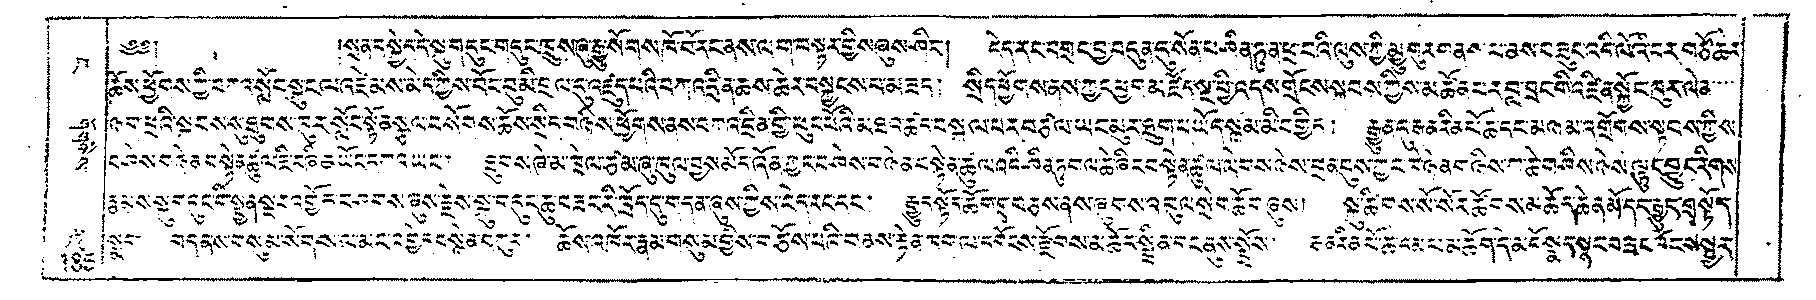༄༅། །སྲན་བསྐྱེད་དེ་སྐུ་གདུང་གདུང་ཁྲུས་ཞུ་རྒྱུ་སོགས་ཁོ་བོ་རང་ནས་ལག་བསྟར་གྱིས་ཞུས་ཤིང་། ངེད་རང་བགྲང་བྱ་བདུན་དུ་སོན་པ་ཤིན་ཏུ་ན་ཕྲ་བའི་ལུས་ཀྱི་མྱུ་གུར་གནས་པ་ནས་བཟུང་འདི་ལོའི་བར་གཙོ་ཆེར་
ཆོས་ཕྱོགས་ཀྱི་བཀའ་སློབ་སྐུ་ངལ་འཛེམས་མེད་ཀྱིས་བོང་བུ་མི་གྲལ་དུ་འཛུད་པའི་བཀའ་དྲིན་ཆས་ཆེར་བསྐྱངས་པ་མ་ཟད། སྲིད་ཕྱོགས་ནས་ཀྱང་ཕྱག་མཛོད་སྔ་ཕྱི་འདས་གྲོངས་སྐབས་ཀྱིས་མཚོན་པར་བླ་བྲང་གི་འཛིན་སྐྱོང་ཁུར་ལེན་
ཉག་ཕྲའི་སྐབས་སུ་ཐུགས་ཁུར་སློབ་སྟོན་སྩལ་བ་སོགས་ཆོས་སྲིད་གཉིས་ཕྱོགས་ནས་བཀའ་དྲིན་གྱི་ཕུང་པོའི་མཐའ་ཚད་བསྐལ་པར་བཙལ་ཡང་མུར་ཐུག་པ་ཡོད་སྙམ་མི་བགྱིད། རྒྱུན་དུ་རྒན་རིན་པོ་ཆེ་དང་མཉམ་འགྲོགས་སྟབས་ཀྱིས་
བཤེས་གཉེན་བསྟེན་ཚུལ་ཇི་བཞིན་ཡོང་དཀའ་ཡང་། ཐུགས་ཞེ་མ་ཁྲེལ་ཙམ་ཞུ་ཁུལ་བྱས་མོད་འོན་ཀྱང་བཤེས་གཉེན་བསྟེན་ཚུལ་འདི་ཤིན་ཏུ་གལ་ཆེ་ཞིང་བསྟེན་ཚུལ་ལེགས་ཉེས་ཕྲན་བུས་ཀྱང་ཁེ་ཉེན་གཉིས་ཀ་ཆེ་གཤིས་ཉེས་ལྟུང་བྱུང་རིགས་
རྣམས་སྐུ་གདུང་གི་སྤྱན་སྔར་འགྱོད་བཤགས་ཞུས་རྗེས་སྐུ་གདུང་ཆུ་བཟང་རི་ཁྲོད་དུ་གདན་ཞུས་ཀྱིས་ངེད་རང་དང་། རྒྱུད་སྟོད་ཆོག་གྲྭ་བཅས་ནས་ཞུགས་འབུལ་སྲེག་ཆོག་ཞུས། སྐུ་ཚིགས་སོ་སོར་ཚོགས་མཆོད་ཆེན་མོ་དང་རྒྱུད་གྲྭ་སྟོད་
སྨད། གདན་ས་གསུམ་སོགས་ལ་མང་འགྱེད་བསྙེན་བཀུར། ཆོས་འཁོར་རྣམས་གསུམ་གྱིས་གཙོས་པའི་གནས་རྟེན་ཁག་ལ་དགོངས་རྫོགས་མཆོད་སྤྲིན་གང་ནུས་སྤྲོས། རྒན་རིན་པོ་ཆེ་དམ་པ་མཆོག་དེ་མདོ་སྨད་སྣང་བཟང་ཁོངས་སྦྱར་